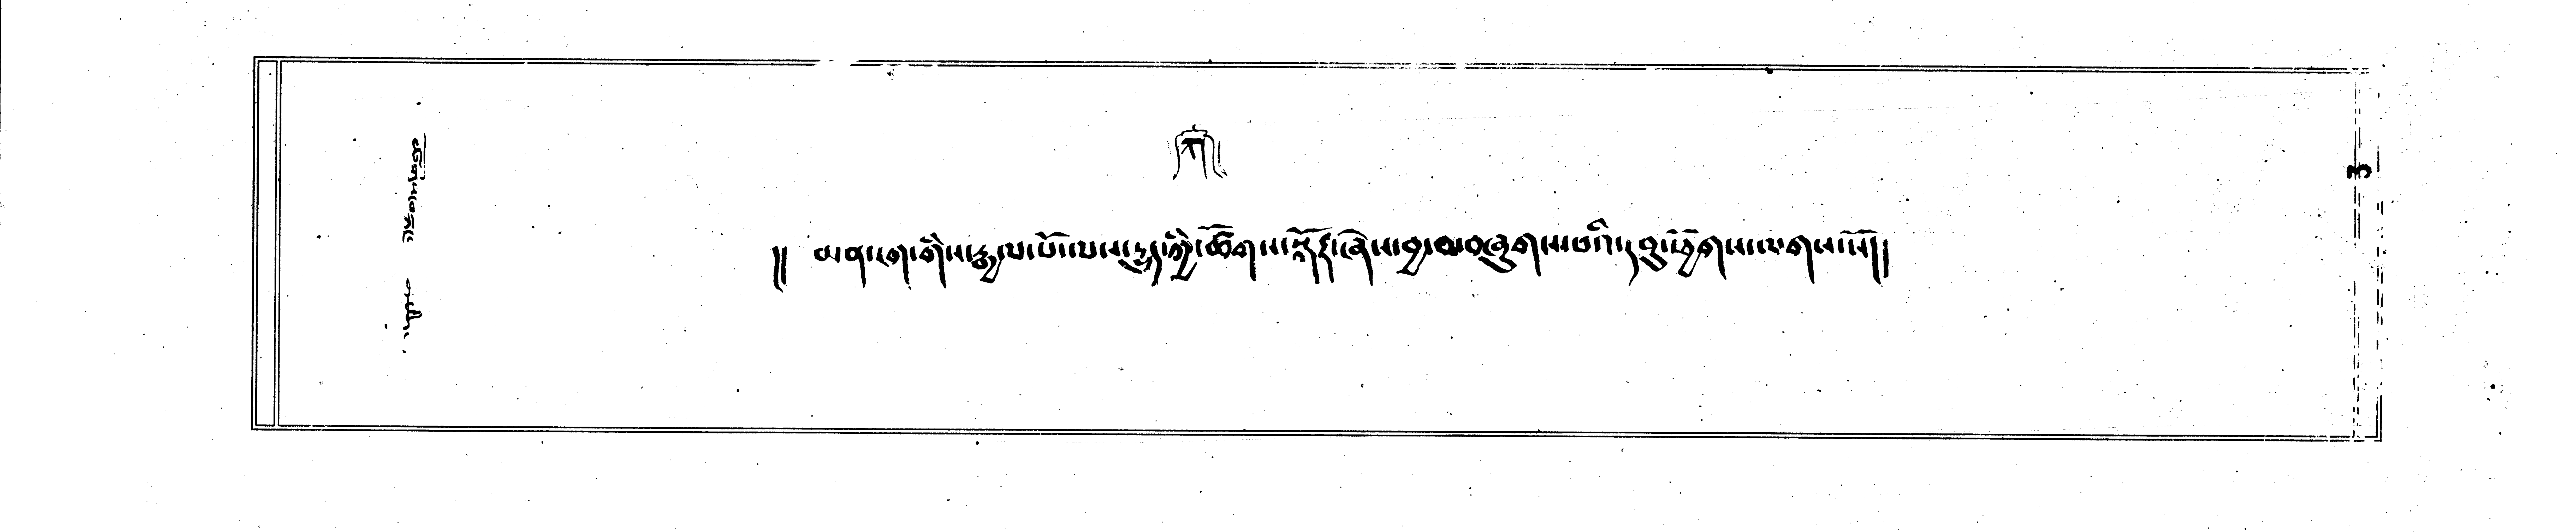།། མན་ངག་གིས་རྒྱལ་པོ་ལས་རྒྱུད་ཀྱི་ཚོགས་སྐོར་ཞེས་བྱ་བ་བཞུགས་པའི་དབུ་ཕྱོགས་ལགས་སོ།།